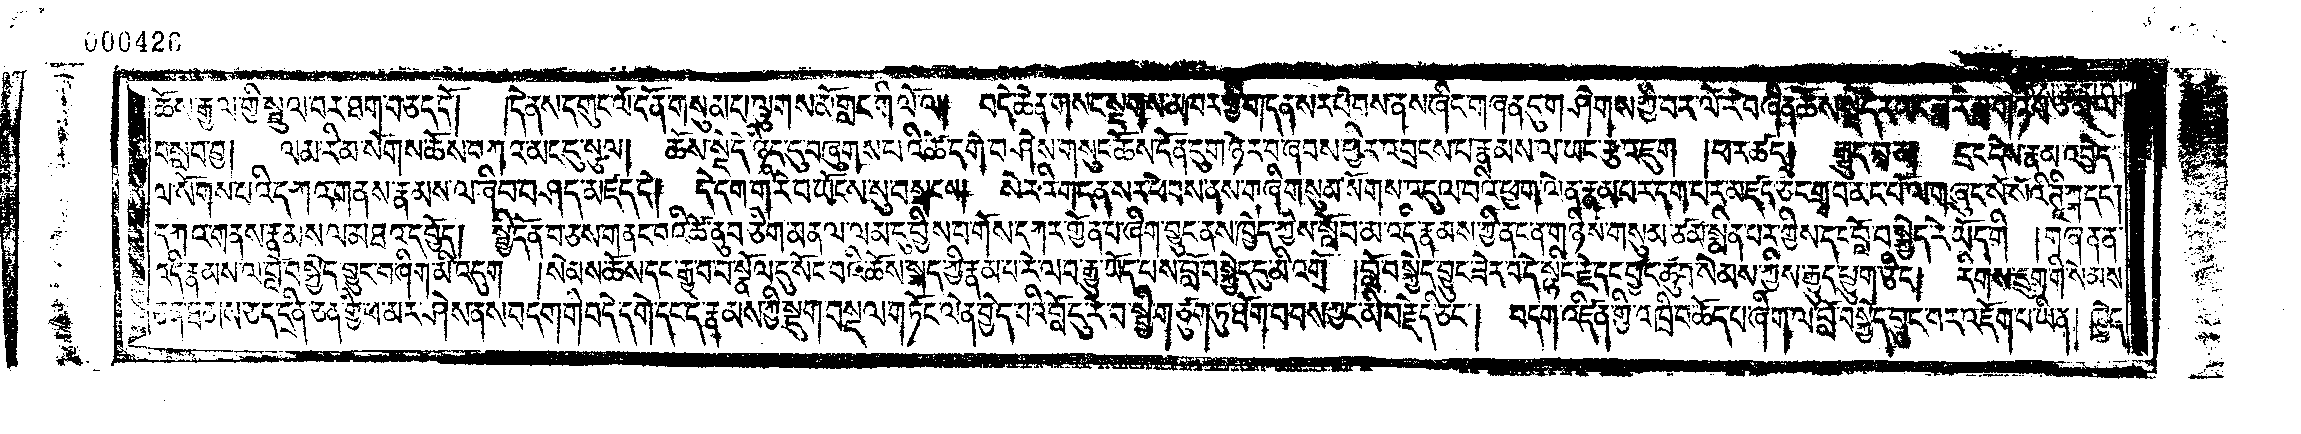ཆོས་རྒྱལ་གྱི་སྤྲུལ་བར་ཐག་བཅད་དོ། །དེ་ནས་དགུང་ལོ་དོན་གསུམ་པ་ལྕགས་མོ་གླང་གི་ལོ་ལ། བདེ་ཆེན་གསང་སྔགས་མཁར་གྱི་གདན་སར་ཕེབས་ནས་ཞིང་གཞན་དུ་གཤེགས་ཀྱི་བར་ལོ་རེ་བཞིན་ཆོས་སྡེ་དེར་ཡང་ཟླ་རེ་ཟླ་གཉིས་ཙམ་ལ་
བསླབ་བྱ། ལམ་རིམ་སོགས་ཆོས་བཀའ་མང་དུ་སྩལ། ཆོས་སྡེ་དེ་ཉིད་དུ་བཞུགས་པའི་ཚེ་དགེ་བཤེས་གསུང་ཆོས་དོན་དུ་གཉེར་བ་ཞབས་ཕྱིར་འབྲངས་པ་རྣམས་ལ་ཡང་རྩ་འཇུག །ཕར་ཚད། རྒྱུད་བླ་མ། དྲང་ངེས་རྣམ་འབྱེད་
ལ་སོགས་པའི་དཀའ་གནས་རྣམས་ལ་ཞིབ་བཤད་མཛད་དེ། དེ་དག་གི་རེ་བ་ཡོངས་སུ་བསྐངས། སེ་རའི་གདན་སར་ཕེབས་ནས་གཞི་གསུམ་སོགས་འདུལ་བའི་ཕྱག་ལེན་རྣམ་པར་དག་པར་མཛད་ཅིང་གྲྭ་བ་མང་པོ་ལ་གཞུང་སོ་སོའི་ཊཱིཀྐ་དང་།
དཀའ་གནས་རྣམས་ལ་མཐའ་དབྱོད། སྤྱི་དོན་བཅས་གནང་བའི་ཚེ་ནུབ་ཅིག་མནལ་ལམ་དུ་བྱིས་པ་གོས་དཀར་གྱོན་པ་ཞིག་བྱུང་ནས་ཁྱེད་ཀྱིས་སློབ་མ་འདི་རྣམས་ཀྱི་ནང་ན་གཉིས་གསུམ་ཙམ་སྨིན་པར་གྱིས་དང་བློ་བསྐྱེད་རེ་ཡོད་གི །གཞན་
འདི་རྣམས་ལ་བློ་བསྐྱེད་བྱུང་པ་ཞིག་མི་འདུག །སེམས་ཆོས་དང་རྒྱབ་བསྣོལ་དུ་སོང་བའི་ཆོས་སྐད་ཀྱི་རྣམ་པ་རེ་ལབ་རྒྱུ་ཡོད་པས་བློ་བསྐྱེད་དུ་མི་འགྲོ་།བློ་བསྐྱེད་བྱུང་ཟེར་བ་དེ་སྙིང་རྗེ་དང་བྱང་ཆུབ་སེམས་ཀྱིས་རྒྱུད་ཕྱུག་ཅིང་། རིགས་དྲུག་གི་སེམས་
ཅན་ཐམས་ཅད་དྲིན་ཅན་གྱི་ཕ་མར་ཤེས་ནས་བདག་གི་བདེ་དགེ་དང་དེ་རྣམས་ཀྱི་སྡུག་བསྔལ་གཏོང་ལེན་བྱེད་པའི་བློ་དུ་རི་བ་སྤྱི་གཙུག་ཏུ་ཐོག་བབས་ཀྱང་མི་བརྗེད་ཅིང་། བདག་འཛིན་གྱི་འཁྲི་བ་ཆོད་པ་ཞིག་ལ་བློ་བསྐྱེད་བྱུང་བར་འཇོག་པ་ཡིན། ཁྱེད་